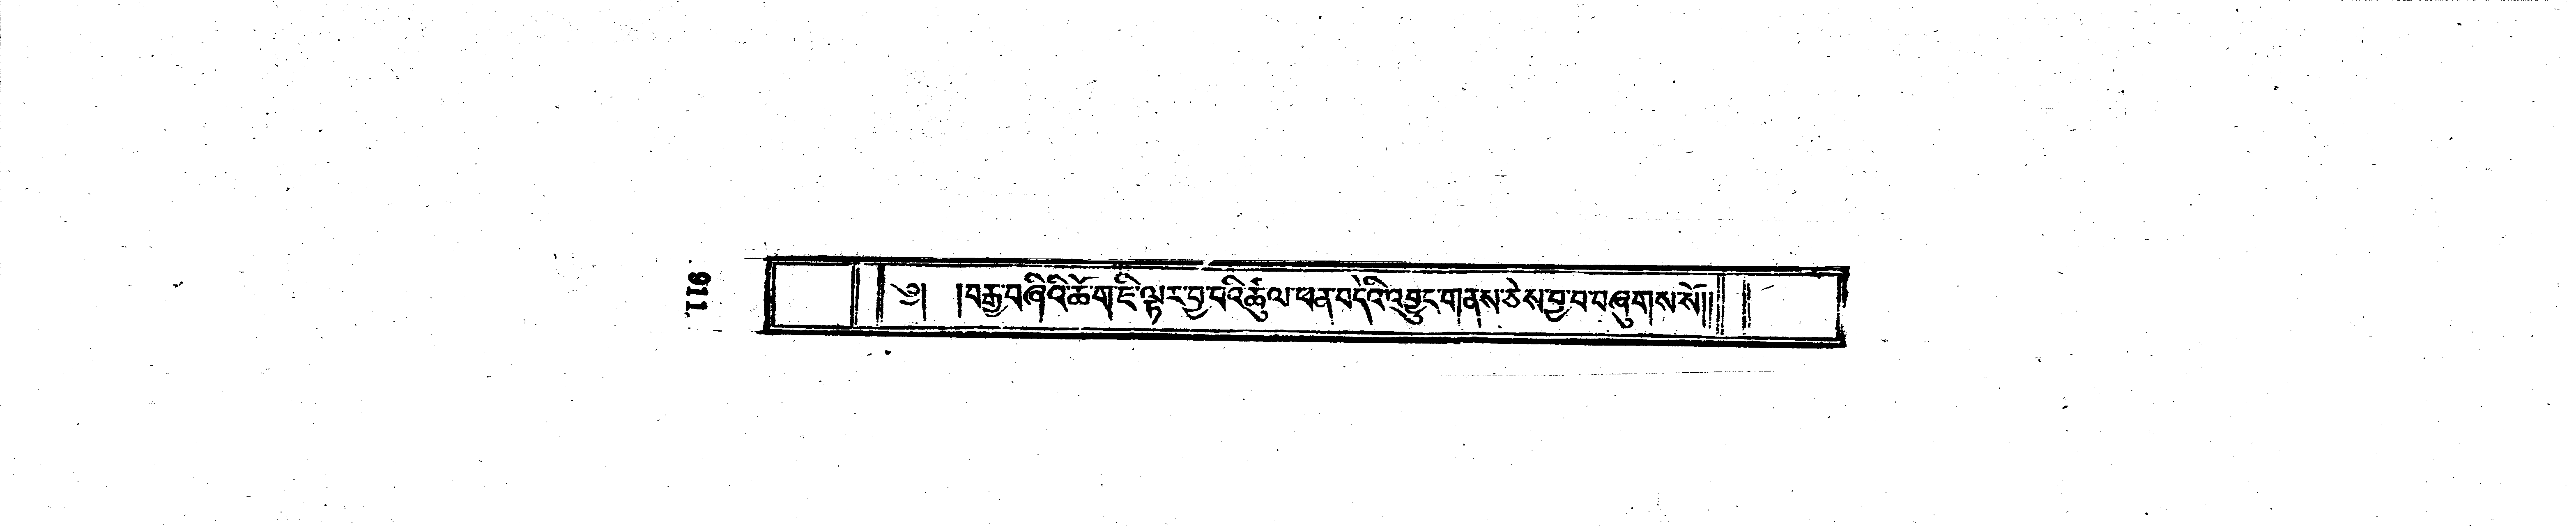༄༅། །བརྒྱ་བཞིའི་ཆོ་ག་ཇི་ལྟར་བྱ་བའི་ཚུལ་ཕན་བདེའི་འབྱུང་གནས་ཅེས་བྱ་བ་བཞུགས་སོ། །